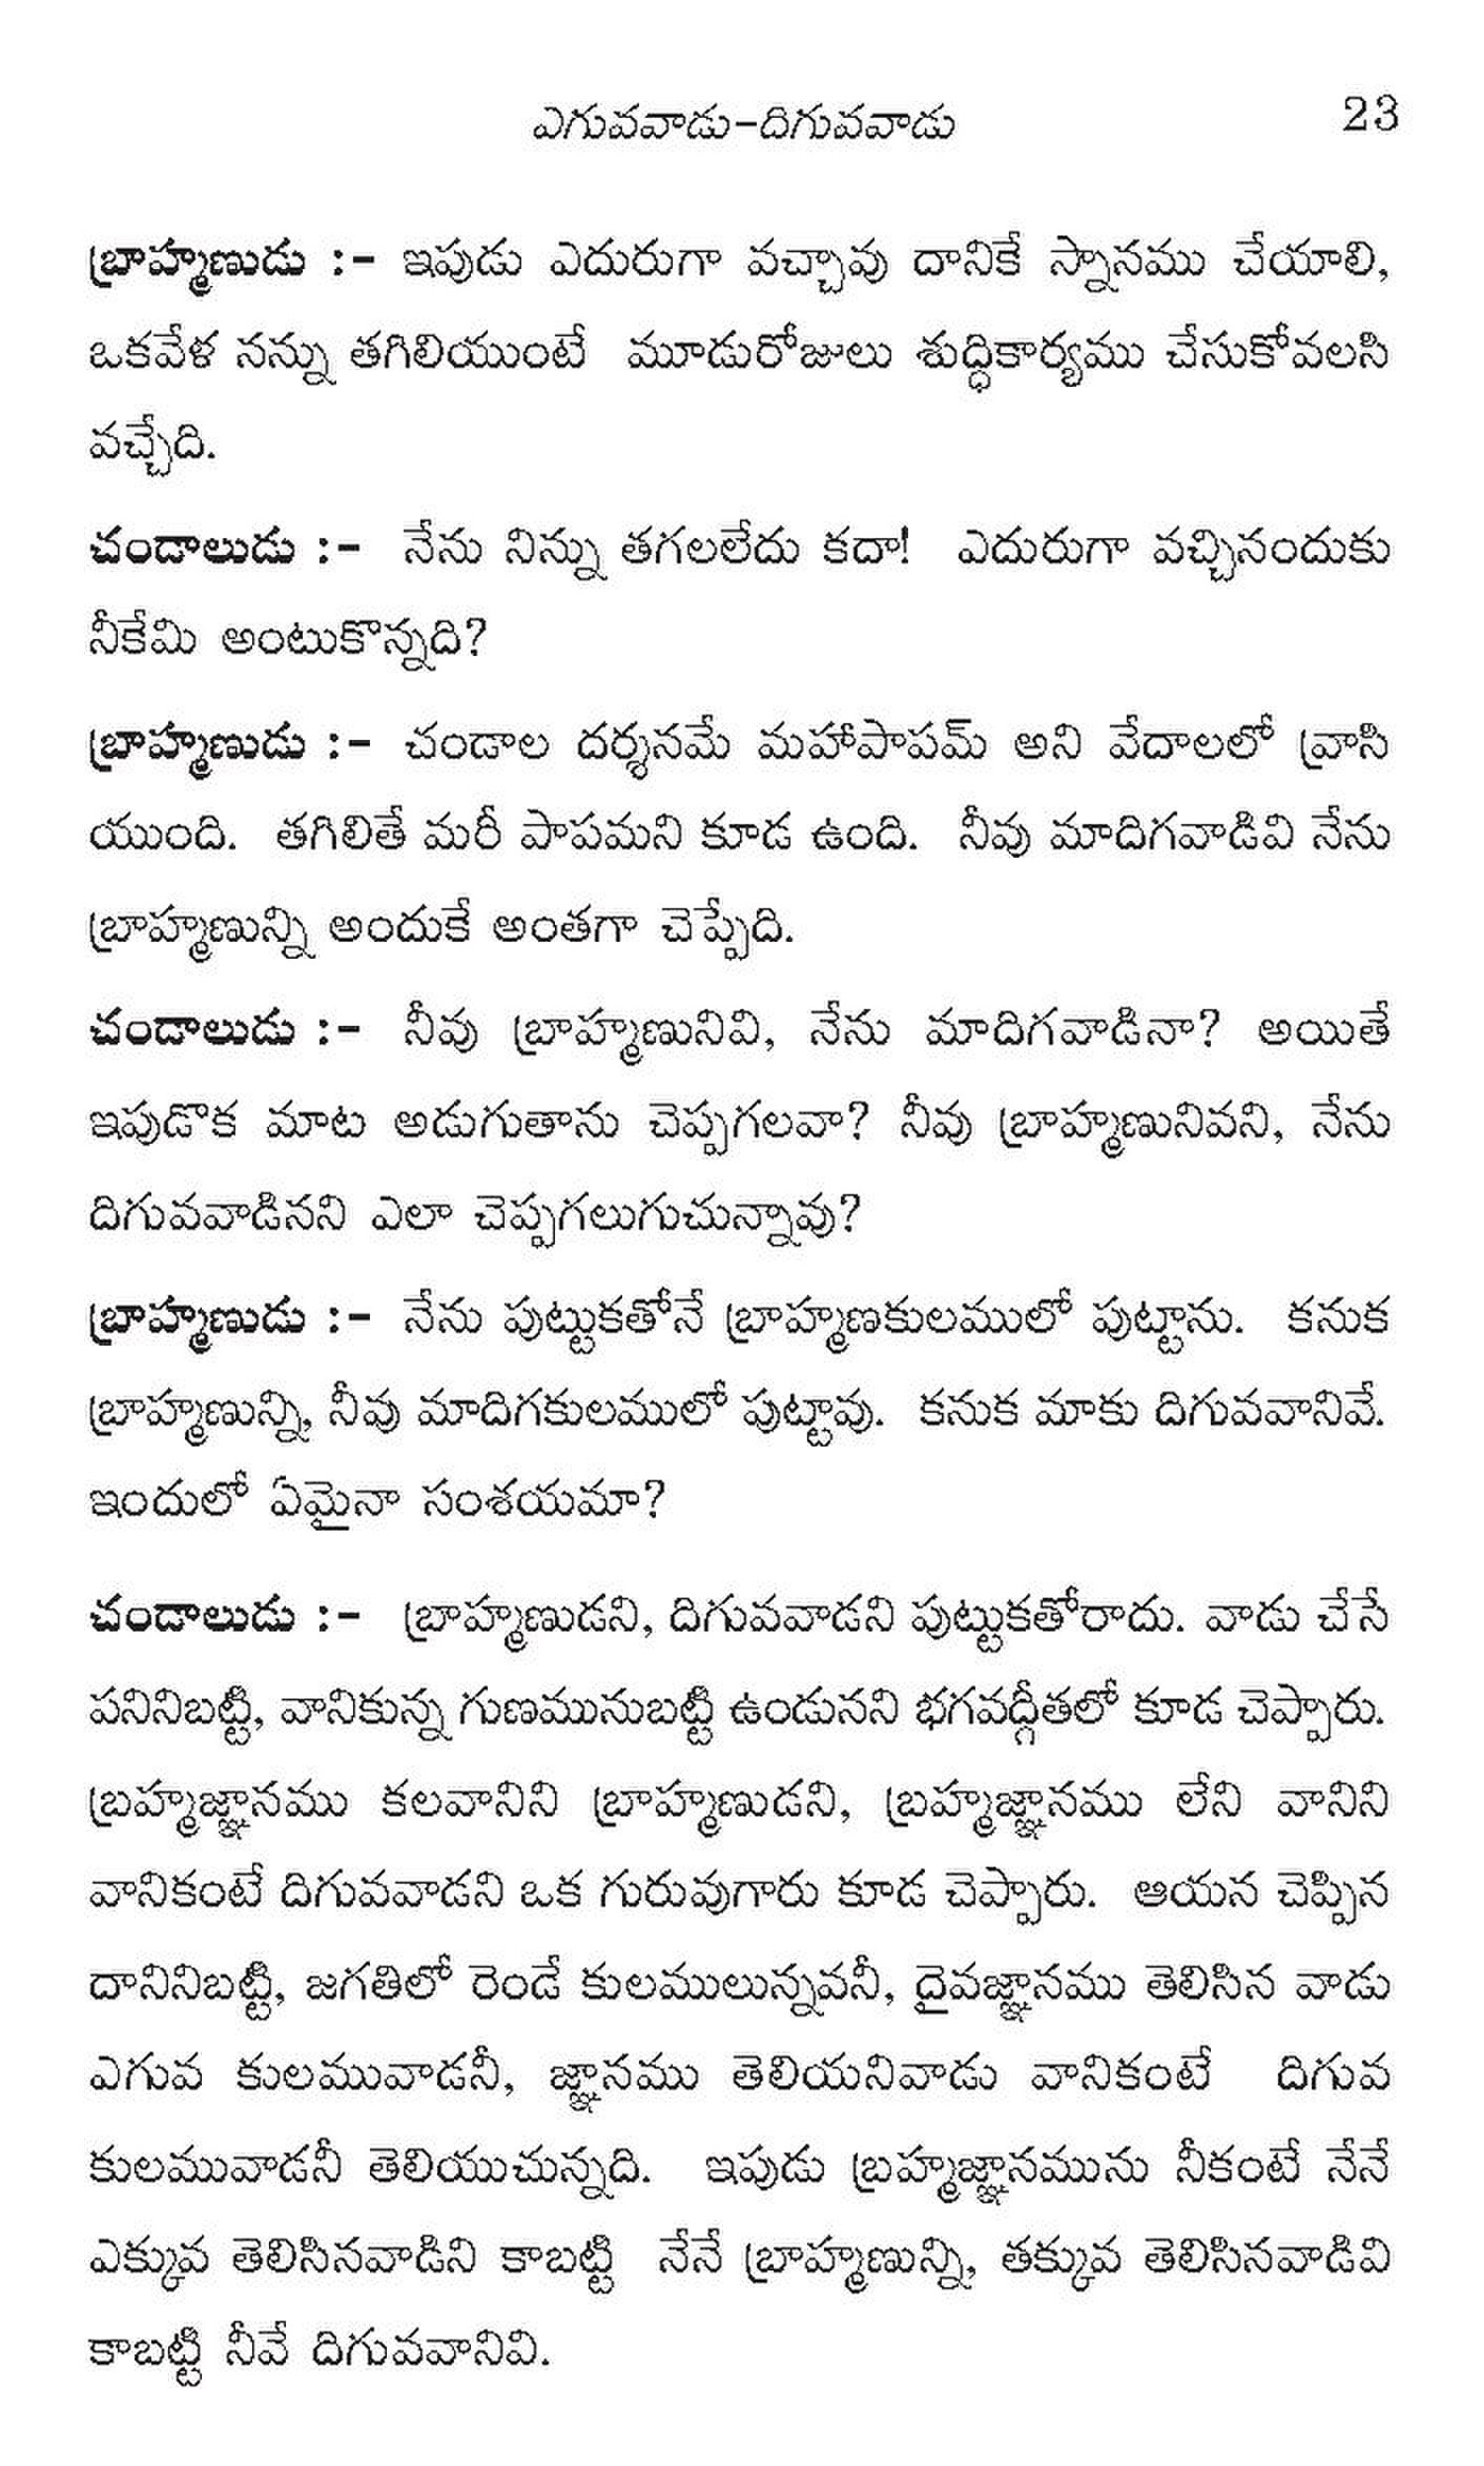బ్రాహ్మణుడు :- ఇపుడు ఎదురుగా వచ్చావు దానికే స్నానము చేయాలి, ఒకవేళ నన్ను తగిలియుంటే మూడురోజులు శుద్ధికార్యము చేసుకోవలసి వచ్చేది.

చండాలుడు :-	నేను నిన్ను తగలలేదు కదా! ఎదురుగా వచ్చినందుకు నీకేమి అంటుకొన్నది?

బ్రాహ్మణుడు :- చండాల దర్శనమే మహాపాపమ్‌ అని వేదాలలో వ్రాసియుంది. తగిలితే మరీ పాపమని కూడ ఉంది. నీవు మాదిగవాడివి నేను బ్రాహ్మణున్ని అందుకే అంతగా చెప్పేది.

చండాలుడు :-	నీవు బ్రాహ్మణునివి, నేను మాదిగవాడినా? అయితే ఇపుడొక మాట అడుగుతాను చెప్పగలవా? నీవు బ్రాహ్మణునివని, నేను దిగువవాడినని ఎలా చెప్పగలుగుచున్నావు?

బ్రాహ్మణుడు :- నేను పుట్టుకతోనే బ్రాహ్మణకులములో పుట్టాను. కనుక బ్రాహ్మణున్ని, నీవు మాదిగకులములో పుట్టావు. కనుక మాకు దిగువవానివే. ఇందులో ఏమైనా సంశయమా?

చండాలుడు :-	బ్రాహ్మణుడని, దిగువవాడని పుట్టుకతోరాదు. వాడు చేసే పనినిబట్టి, వానికున్న గుణమునుబట్టి ఉండునని భగవద్గీతలో కూడ చెప్పారు. బ్రహ్మజ్ఞానము కలవానిని బ్రాహ్మణుడని, బ్రహ్మజ్ఞానము లేని వానిని వానికంటే దిగువవాడని ఒక గురువుగారు కూడ చెప్పారు. ఆయన చెప్పిన దానినిబట్టి, జగతిలో రెండే కులములున్నవనీ, దైవజ్ఞానము తెలిసిన వాడు ఎగువ కులమువాడనీ, జ్ఞానము తెలియనివాడు వానికంటే దిగువ కులమువాడనీ తెలియుచున్నది. ఇపుడు బ్రహ్మజ్ఞానమును నీకంటే నేనే ఎక్కువ తెలిసినవాడిని కాబట్టి నేనే బ్రాహ్మణున్ని, తక్కువ తెలిసినవాడివి కాబట్టి నీవే దిగువవానివి.